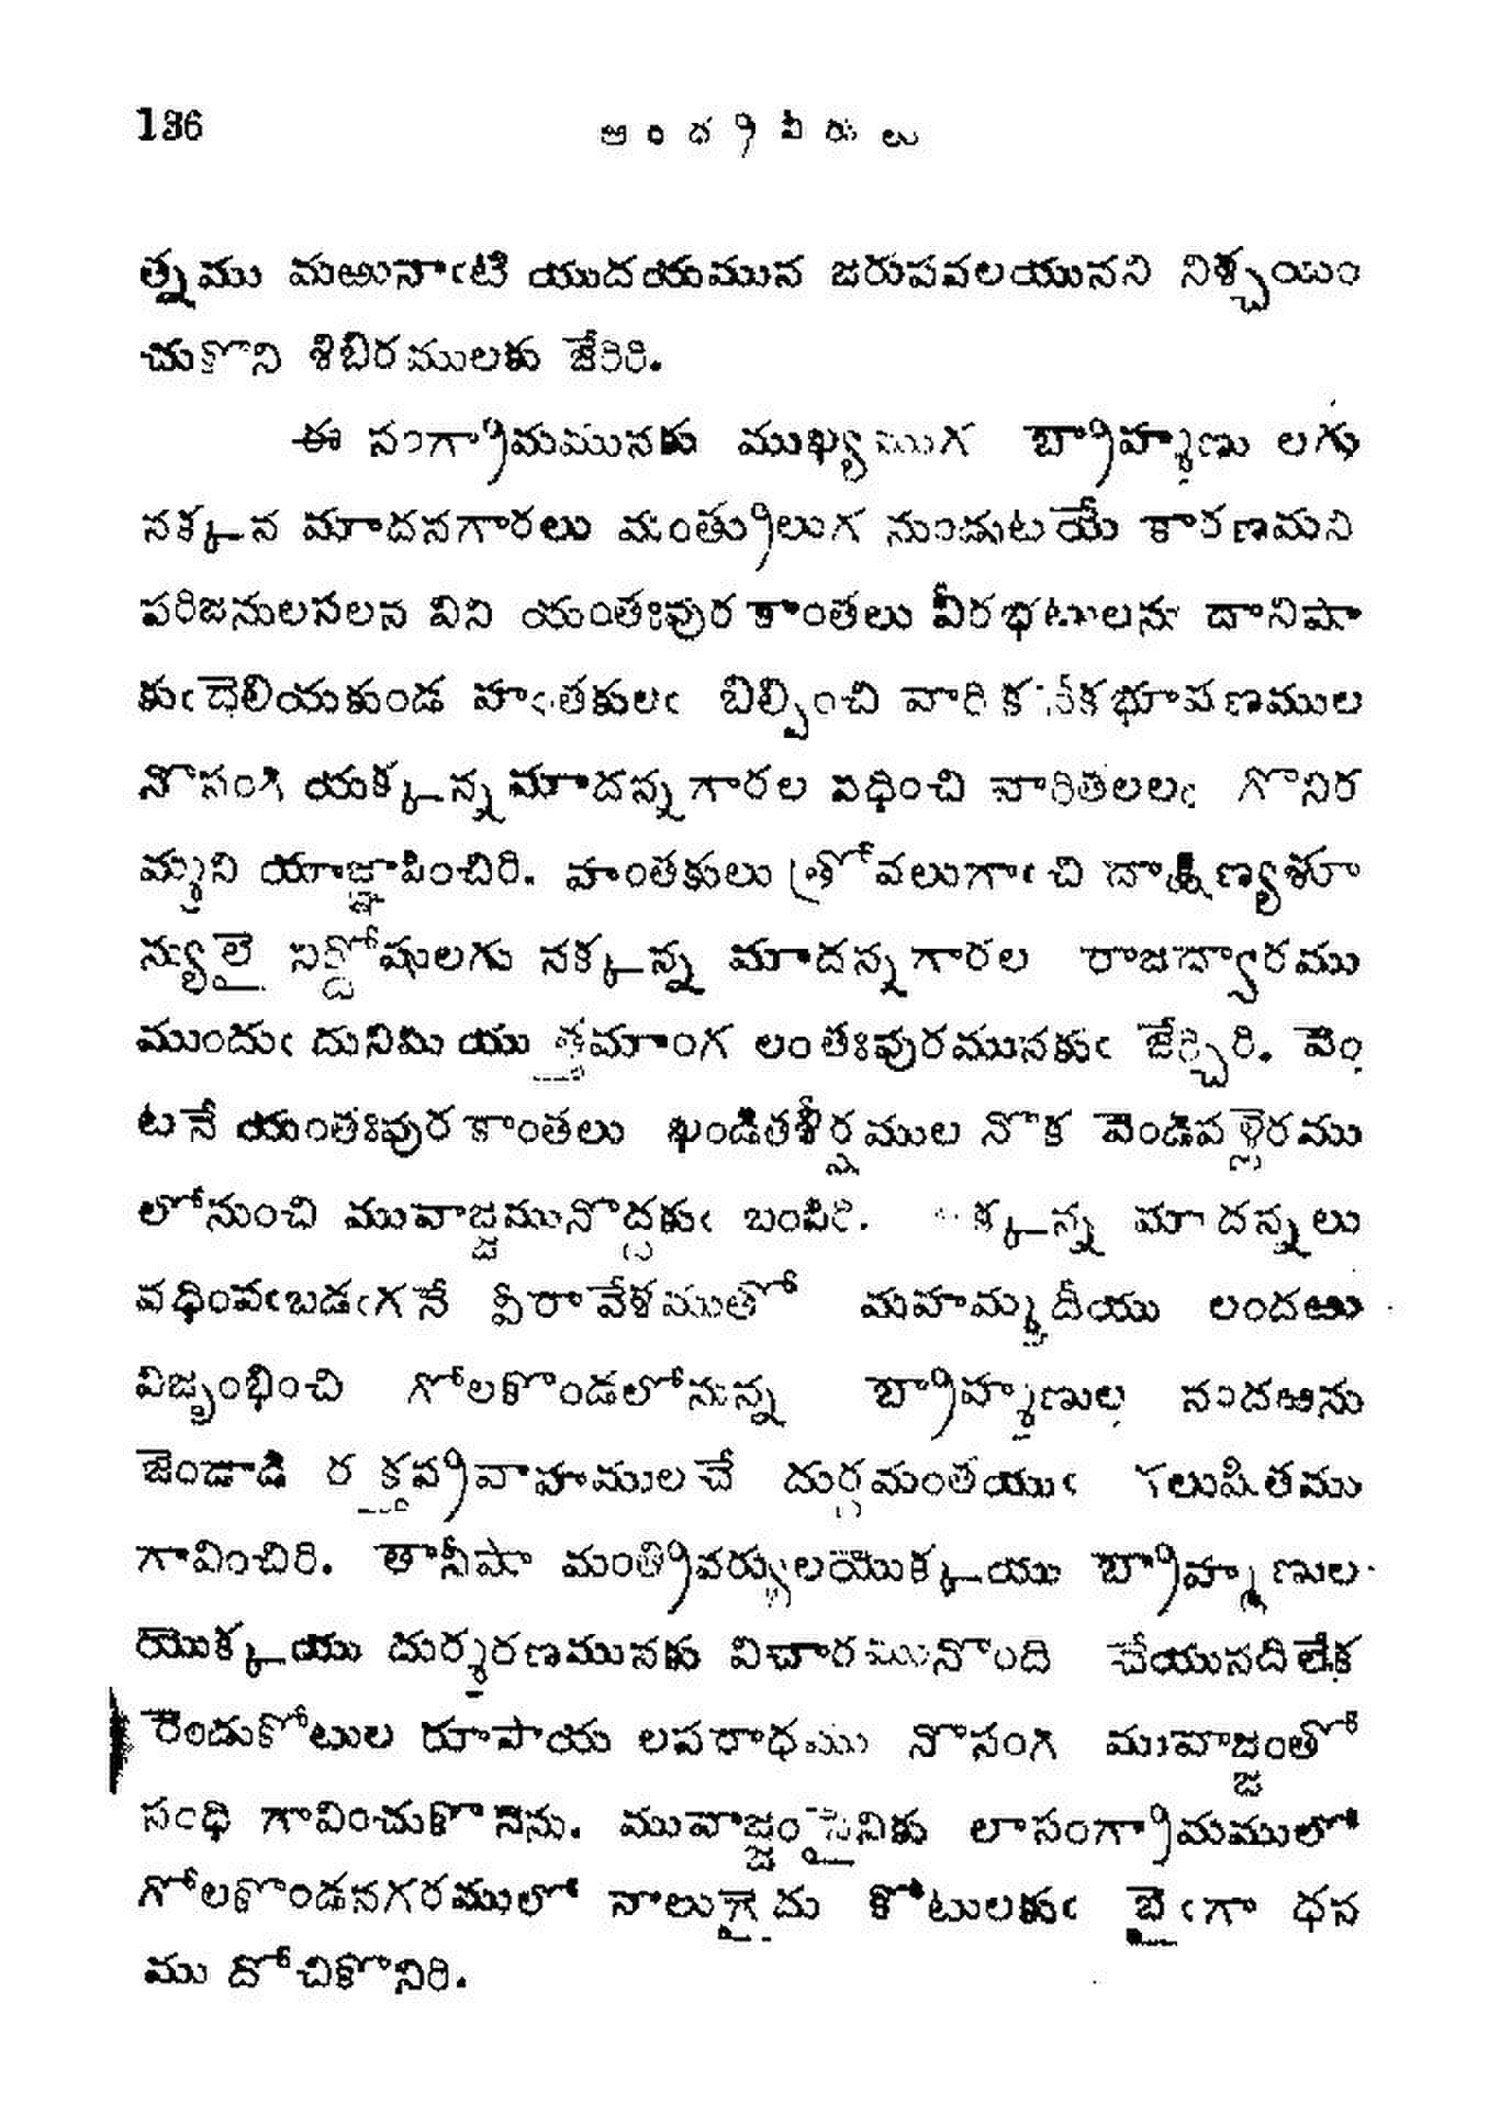త్నము మఱునాటి యుదయమున జరుపవలయునని నిశ్చయించుకొని శిబిరములకు జేరిరి. 

ఈ సంగ్రామమునకు ముఖ్యముగ బ్రాహ్మణు లగు నక్కన మాదనగారలు మంత్రులుగ నుండుటయే కారణమని పరిజనుల వలన విని యంత:పుర కాంతలు వీరభటులను దానిషాకు దెలియకుండ హంతకుల బిల్పించి వారి కనేక భూషణముల నొసంగి యక్కన్నమాదన్నగారల వధించి వారితలల గొనిరమ్మని యాజ్ఞాపించిరి. హంతకులు త్రోవలు గాచి దాక్షిణ్యశూన్యులై నిర్దోషులగు నక్కన్న మాదన్నగారల రాజద్వారము ముందు దునిమి యుత్తమాంగ లంత:పురమునకు జేర్చిరి. వెంటనే యంత:పుర కాంతలు ఖండితశీర్షముల నొక వెండిపళ్లెరములోనుంచి మువాజ్జమునొద్దకు బంపిరి. అక్కన్న మాదన్నలు వధింపబడగనే వీరావేశముతో మహమ్మదీయు లందఱు విజృంభించి గోలకొండలోనున్న బ్రాహ్మణుల నందఱను జెండాడి రక్తప్రవాహములచే దుర్గమంతయు గలుషితము గావించిరి. తానీషా మంత్రివర్యుల యొక్కయు బ్రాహ్మణుల యొక్కయు దుర్మరణమునకు విచారము నొంది చేయునదిలేక రెండుకోటుల రూపాయ లపరాధము నొసంగి మువాజ్జంతో సంధి గావించుకొనెను. మువాజ్జం సైనికు లాసంగ్రామములో గోలకొండనగరములో నాలుగైదు కోటులకు బైగా ధనము దోచికొనిరి.